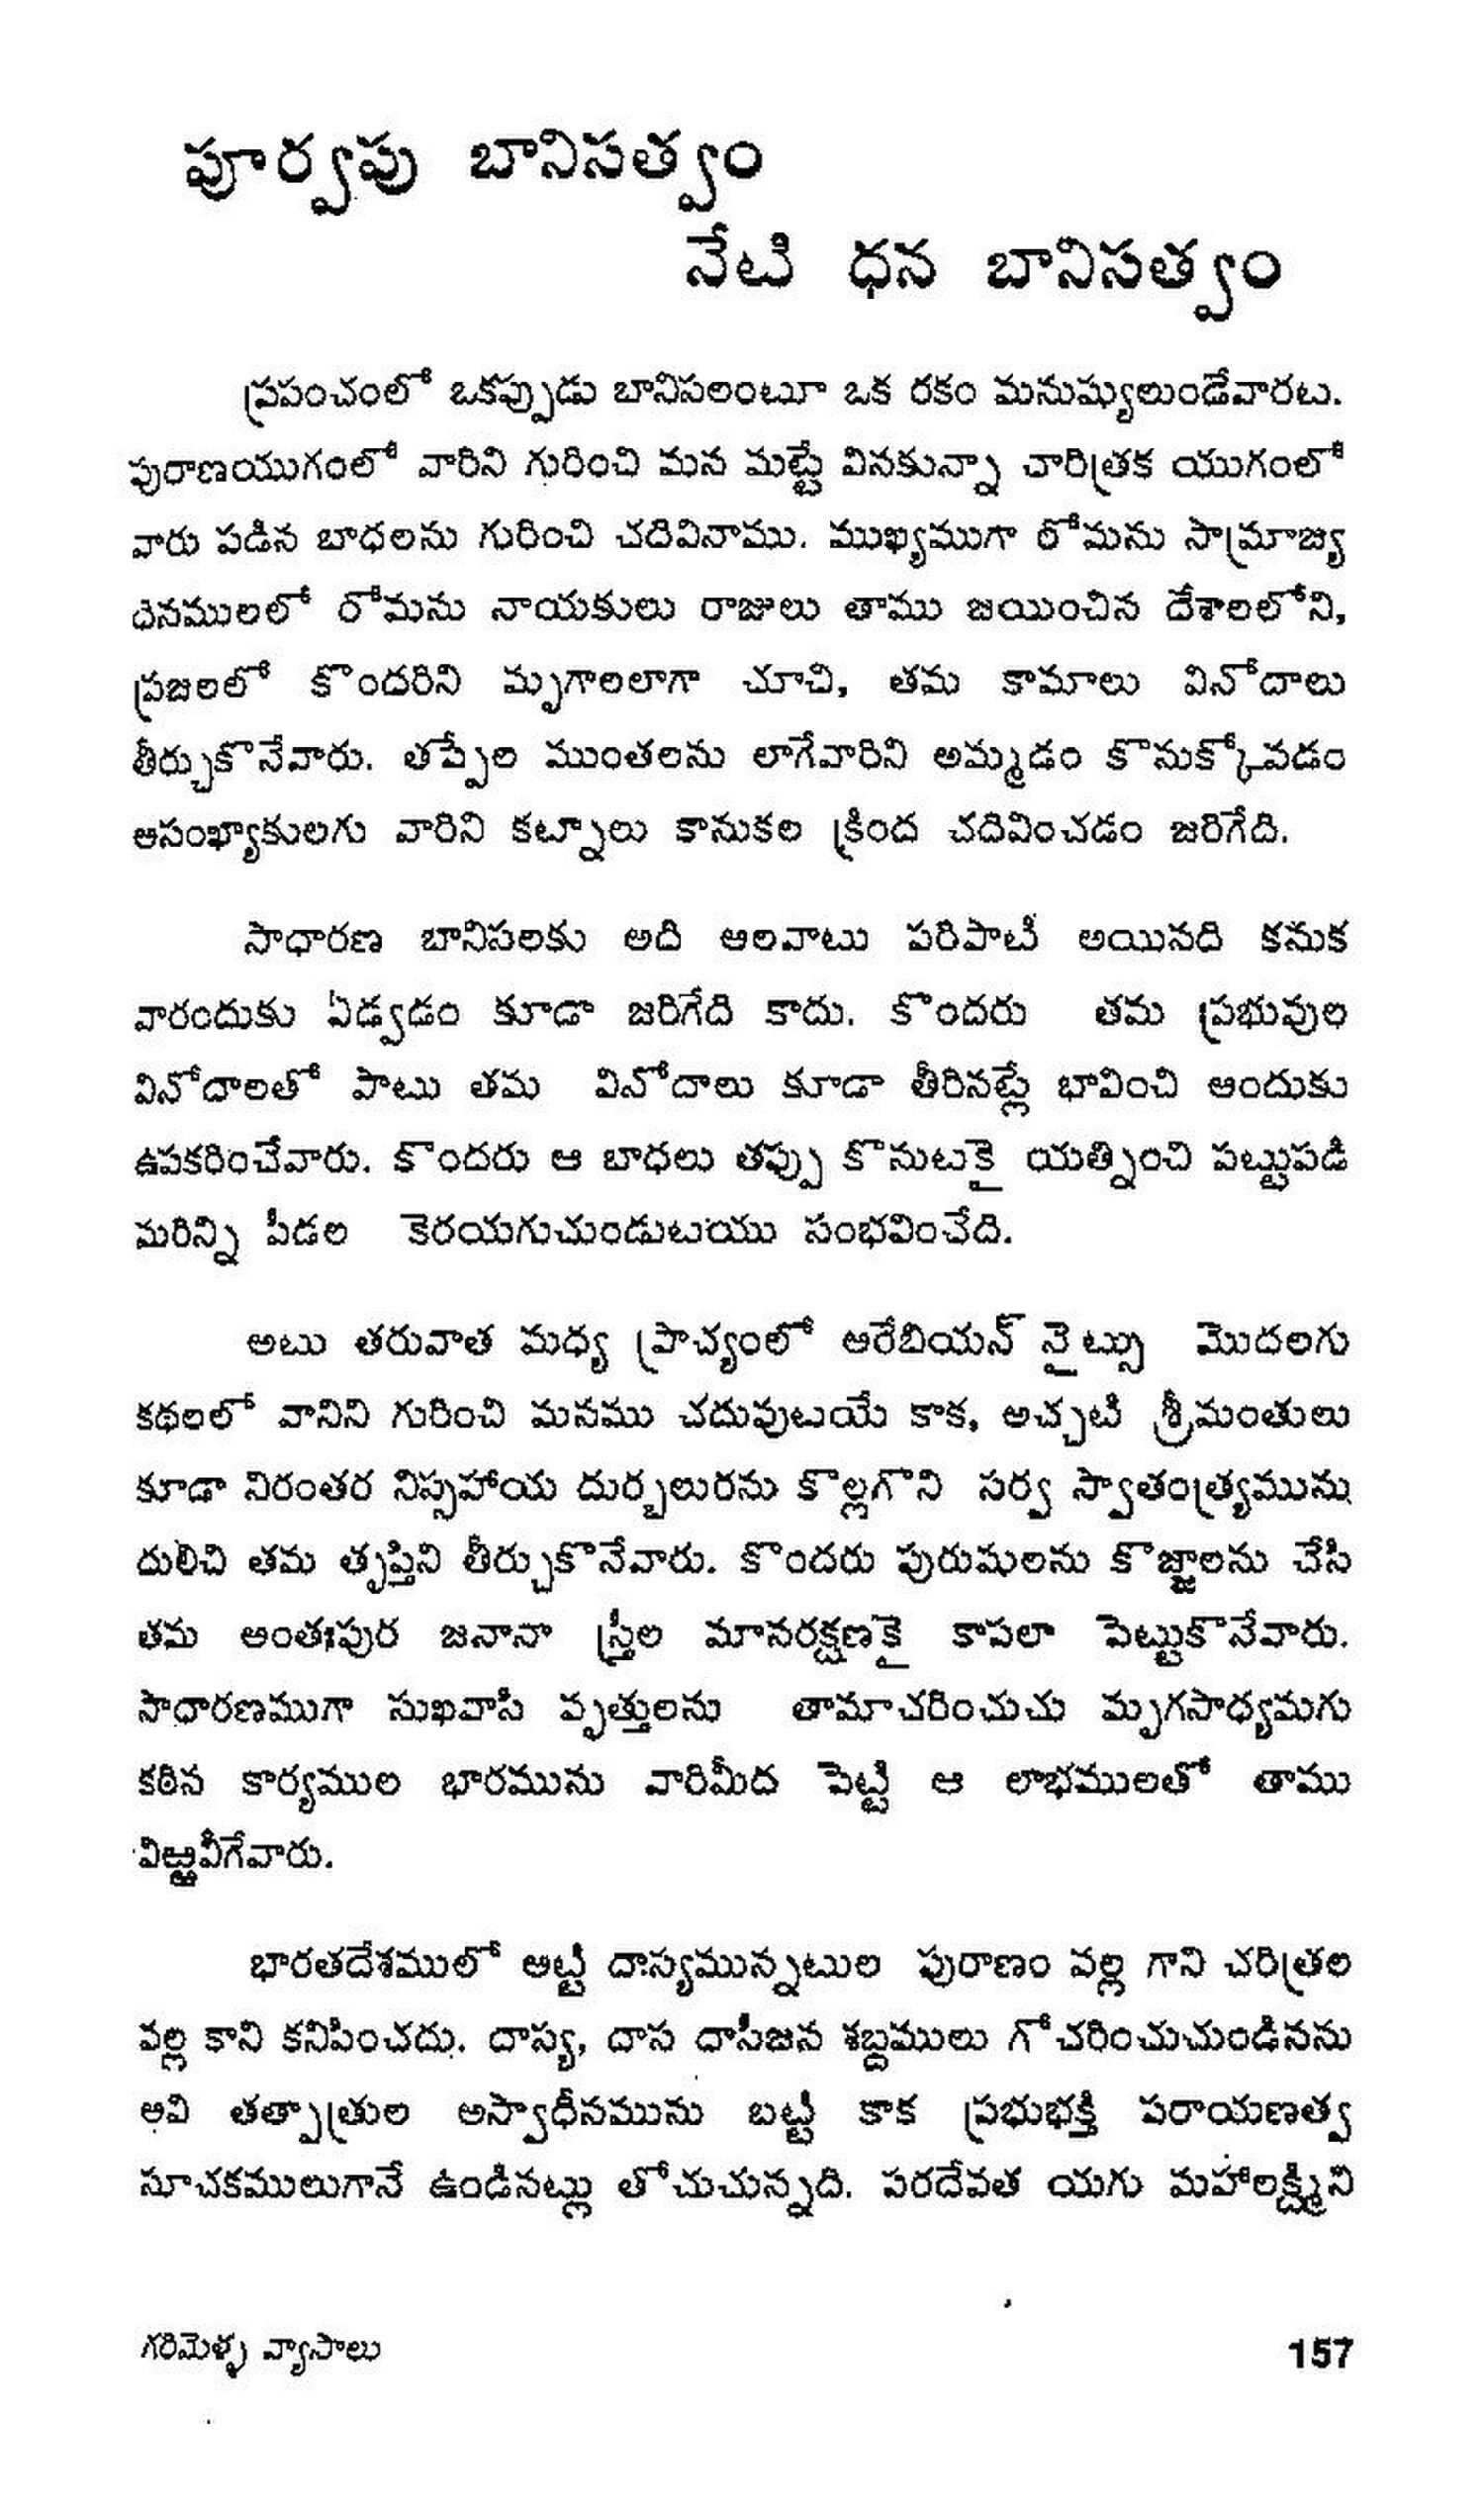పూర్వపు బానిసత్వం నేటి ధన బానిసత్వం
 
ప్రపంచంలో ఒకప్పుడు బానిసలంటూ ఒక రకం మనుష్యులుండేవారట. పురాణయుగంలో వారిని గురించి మన మట్టే వినకున్నా చారిత్రక యుగంలో వారు పడిన బాధలను గురించి చదివినాము. ముఖ్యముగా రోమను సామ్రాజ్య దినములలో రోమను నాయకులు రాజులు తాము జయించిన దేశాలలోని, ప్రజలలో కొందరిని మృగాలలాగా చూచి, తమ కామాలు వినోదాలు తీర్చుకొనేవారు. తప్పేల ముంతలను లాగేవారిని అమ్మడం కొనుక్కోవడం అసంఖ్యాకులగు వారిని కట్నాలు కానుకల క్రింద చదివించడం జరిగేది.

సాధారణ బానిసలకు అది అలవాటు పరిపాటి అయినది కనుక వారందుకు ఏడ్వడం కూడా జరిగేది కాదు. కొందరు తమ ప్రభువుల వినోదాలతో పాటు తమ వినోదాలు కూడా తీరినట్లే భావించి అందుకు ఉపకరించేవారు. కొందరు ఆ భాధలు తప్పు కొనుటకై యత్నించి పట్టుబడి మరిన్ని పీడల కెరయగుచుండుటయు సంభవించేది.

అటు తరువాత మధ్య ప్రాచ్యంలో అరేబియన్ నైట్సు మొదలగు కథలలో వానిని గురించి మనము చదువుటయే కాక, అచ్చటి శ్రీమంతులు కూడా నిరంతర నిస్సహాయ దుర్భలురను కొల్లగొని సర్వ స్వాతంత్ర్యమును దులిచి తమ తృప్తిని తీర్చుకొనేవారు. కొందరు పురుషులను కొజ్జాలను చేసి తమ అంతఃపుర జనానా స్త్రీల మానరక్షణకై కాపలా పెట్టుకొనేవారు. సాధారణముగా సుఖవాసి వృత్తులను తామాచరించుచు మృగసాధ్యమగు కఠిన కార్యముల భారమును వారిమీద పెట్టి ఆ లాభములతో తాము విఱ్ఱవీగేవారు.

భారతదేశములో అట్టి దాస్యమున్నటుల పురాణం వల్ల గాని చరిత్రలవల్ల కాని కనిపించదు. దాస్య, దాన దాసీజన శబ్దములు గోచరించుచుండినను అవి తత్పాత్రుల అస్వాధీనమును బట్టి కాక ప్రభుభక్తి పరాయణత్వ సూచకములుగానే ఉండినట్లు తోచుచున్నది. పరదేవత యగు మహాలక్ష్మిని